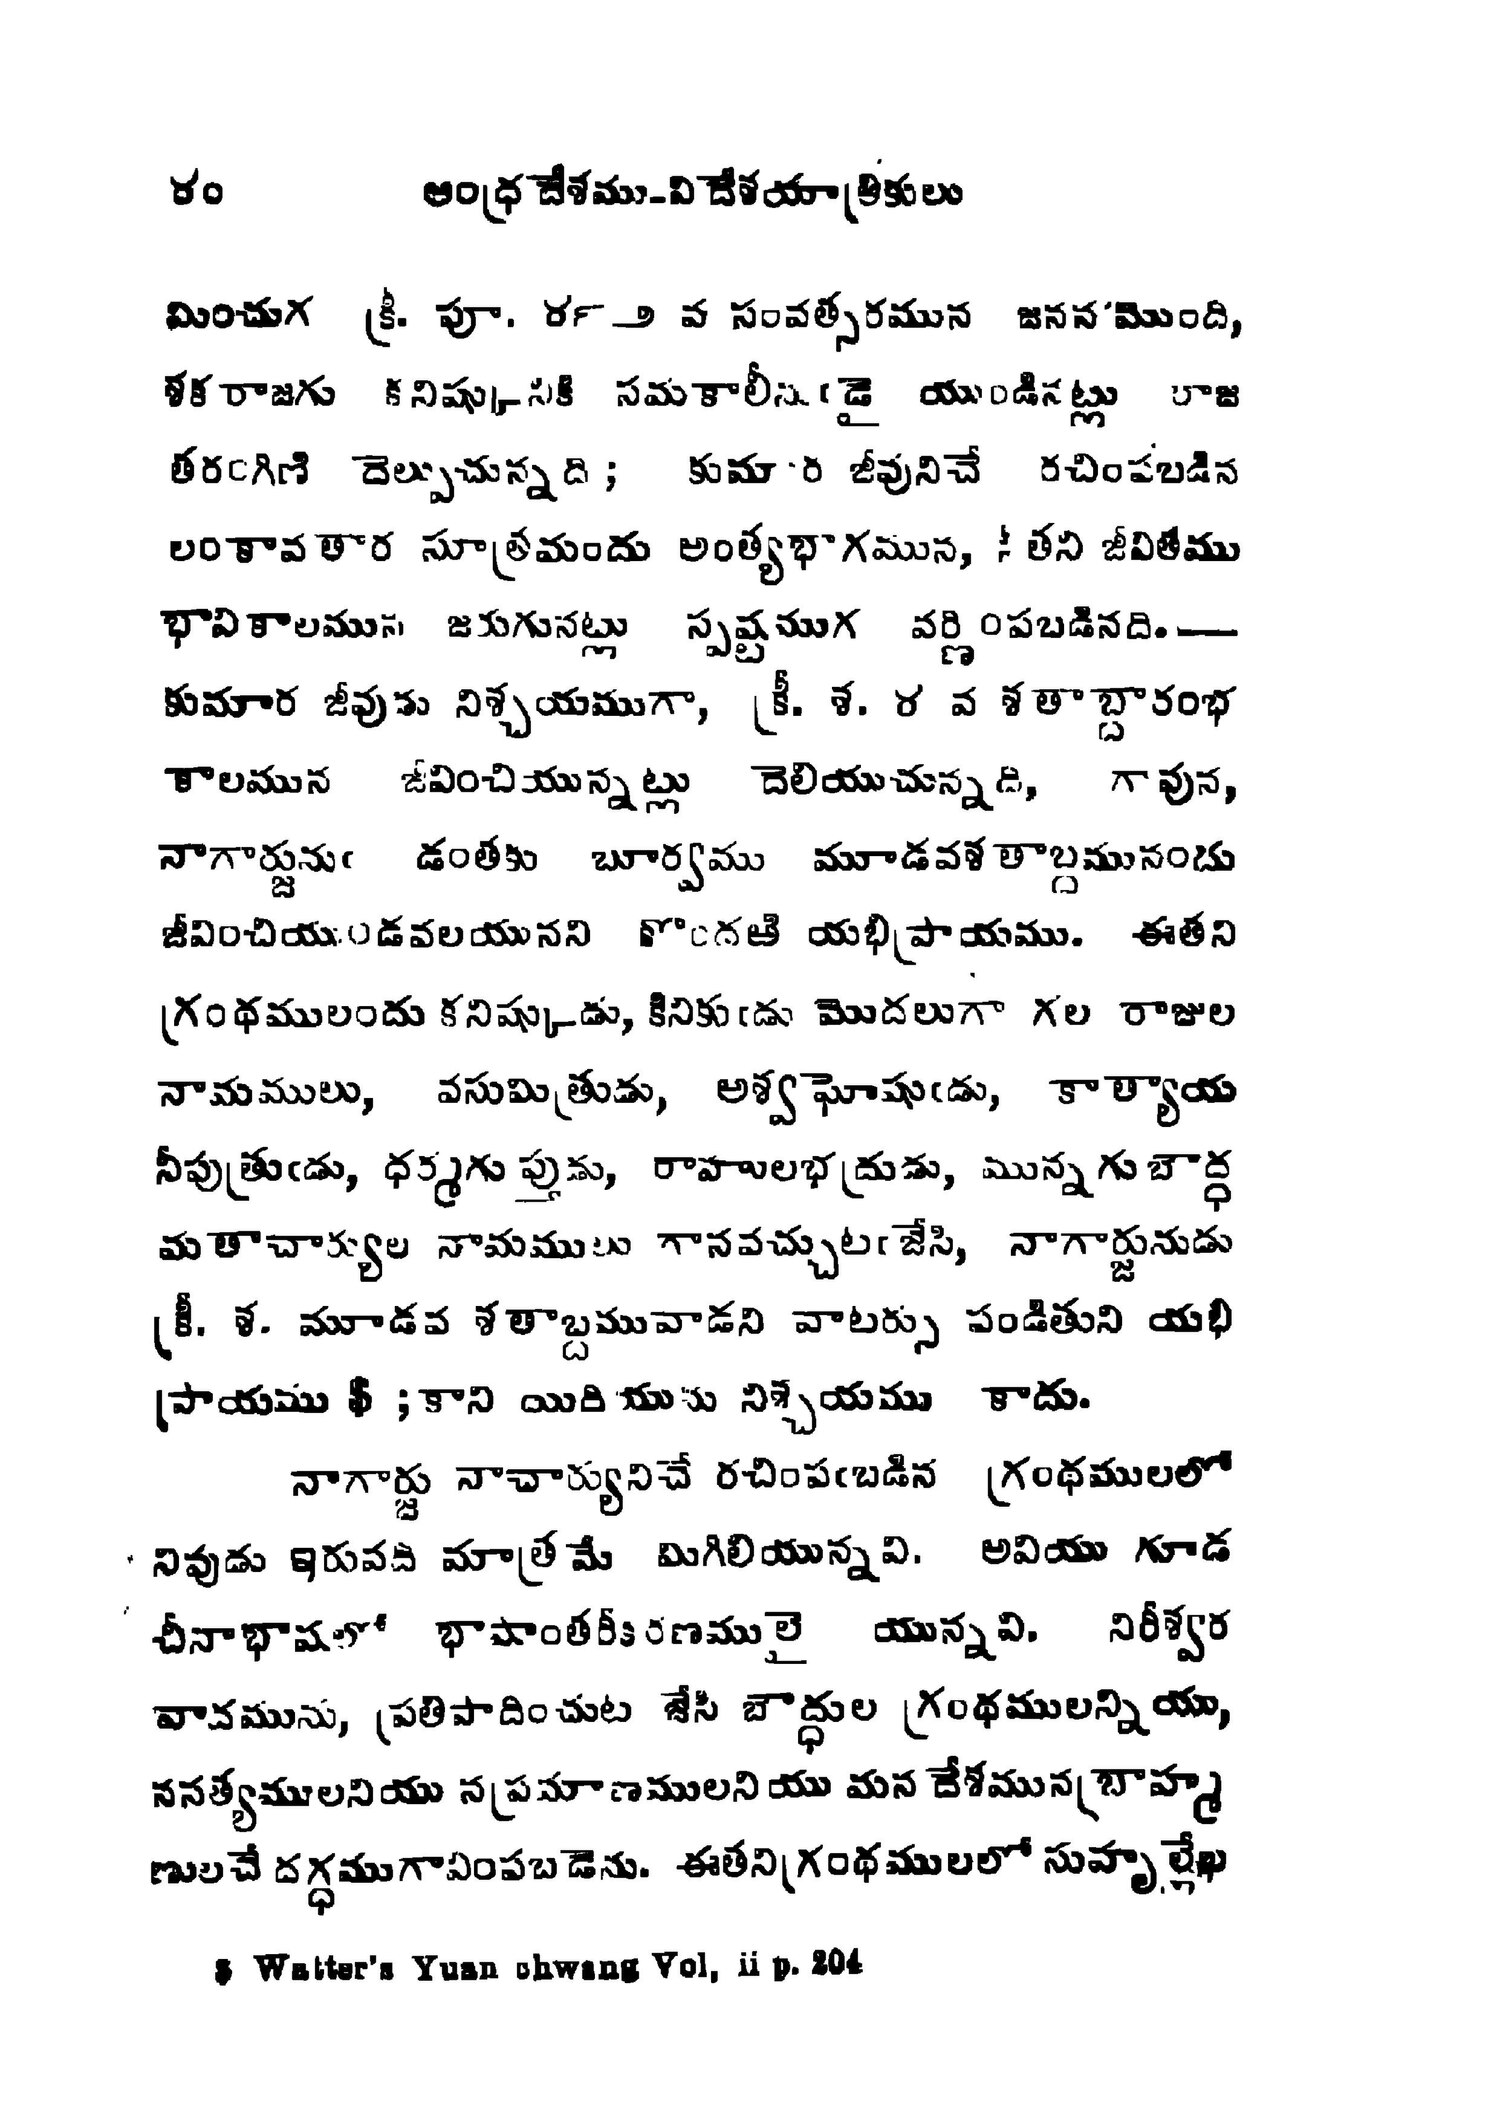మించుగ క్రీ. పూ. 492 వ సంవత్సరమున జననమొంది, శకరాజగు కనిష్కునికి సమకాలీనుడై యుండినట్లు రాజ తరంగిణి దెల్పుచున్నది; కుమార జీవునిచే రచింపబడిన లంకావతార సూత్రమందు అంత్యభాగమున, నీతని జీవితము భావికాలమున జరుగునట్లు స్పష్టముగ వర్ణింపబడినది.- కుమార జీవుడు నిశ్చయముగా, క్రీ. శ. 4వ శతాబ్దారంభకాలమున జీవించియున్నట్లు దెలియుచున్నది. గావున, నాగార్జును డంతకు బూర్వము మూడవశతాబ్దమునందు జీవించియుండవలయునని కొందఱి యబిప్రాయము. ఈతని గ్రంథములందు కనిష్కుడు, కినికుడు మొదలుగా గల రాజుల నామములు, వసుమిత్రుడు, అశ్వఘోషుడు, కాత్యాయనీపుత్రుడు, ధర్మగుప్తుడు, రాహులభద్రుడు, మున్నగు బౌద్ధమతాచార్యుల నామములు గానవచ్చుట జేసి, నాగార్జునుడు క్రీ.శ. మూడవ శతాబ్దమువాడని వాటర్సు పండితుని యభిప్రాయము ; కాని యిదియును నిశ్చయము కాదు.

నాగార్జు నాచార్యునిచే రచింపబడిన గ్రంథములలో నిపుడు ఇరువది మాత్రమే మిగిలియున్నవి. అవియు గూడ చీనాభాషలో భాషాంతరీకరణములై యున్నవి. నిరీశ్వర వాదమును, ప్రతిపాదించుట జేసి బౌద్ధుల గ్రంథములన్నియు, నసత్యములనియు నప్రమాణములనియు మన దేశమున బ్రాహ్మణులచే దగ్ధముగావింపబడెను. ఈతనిగ్రంథములలో సుహృల్లేఖ